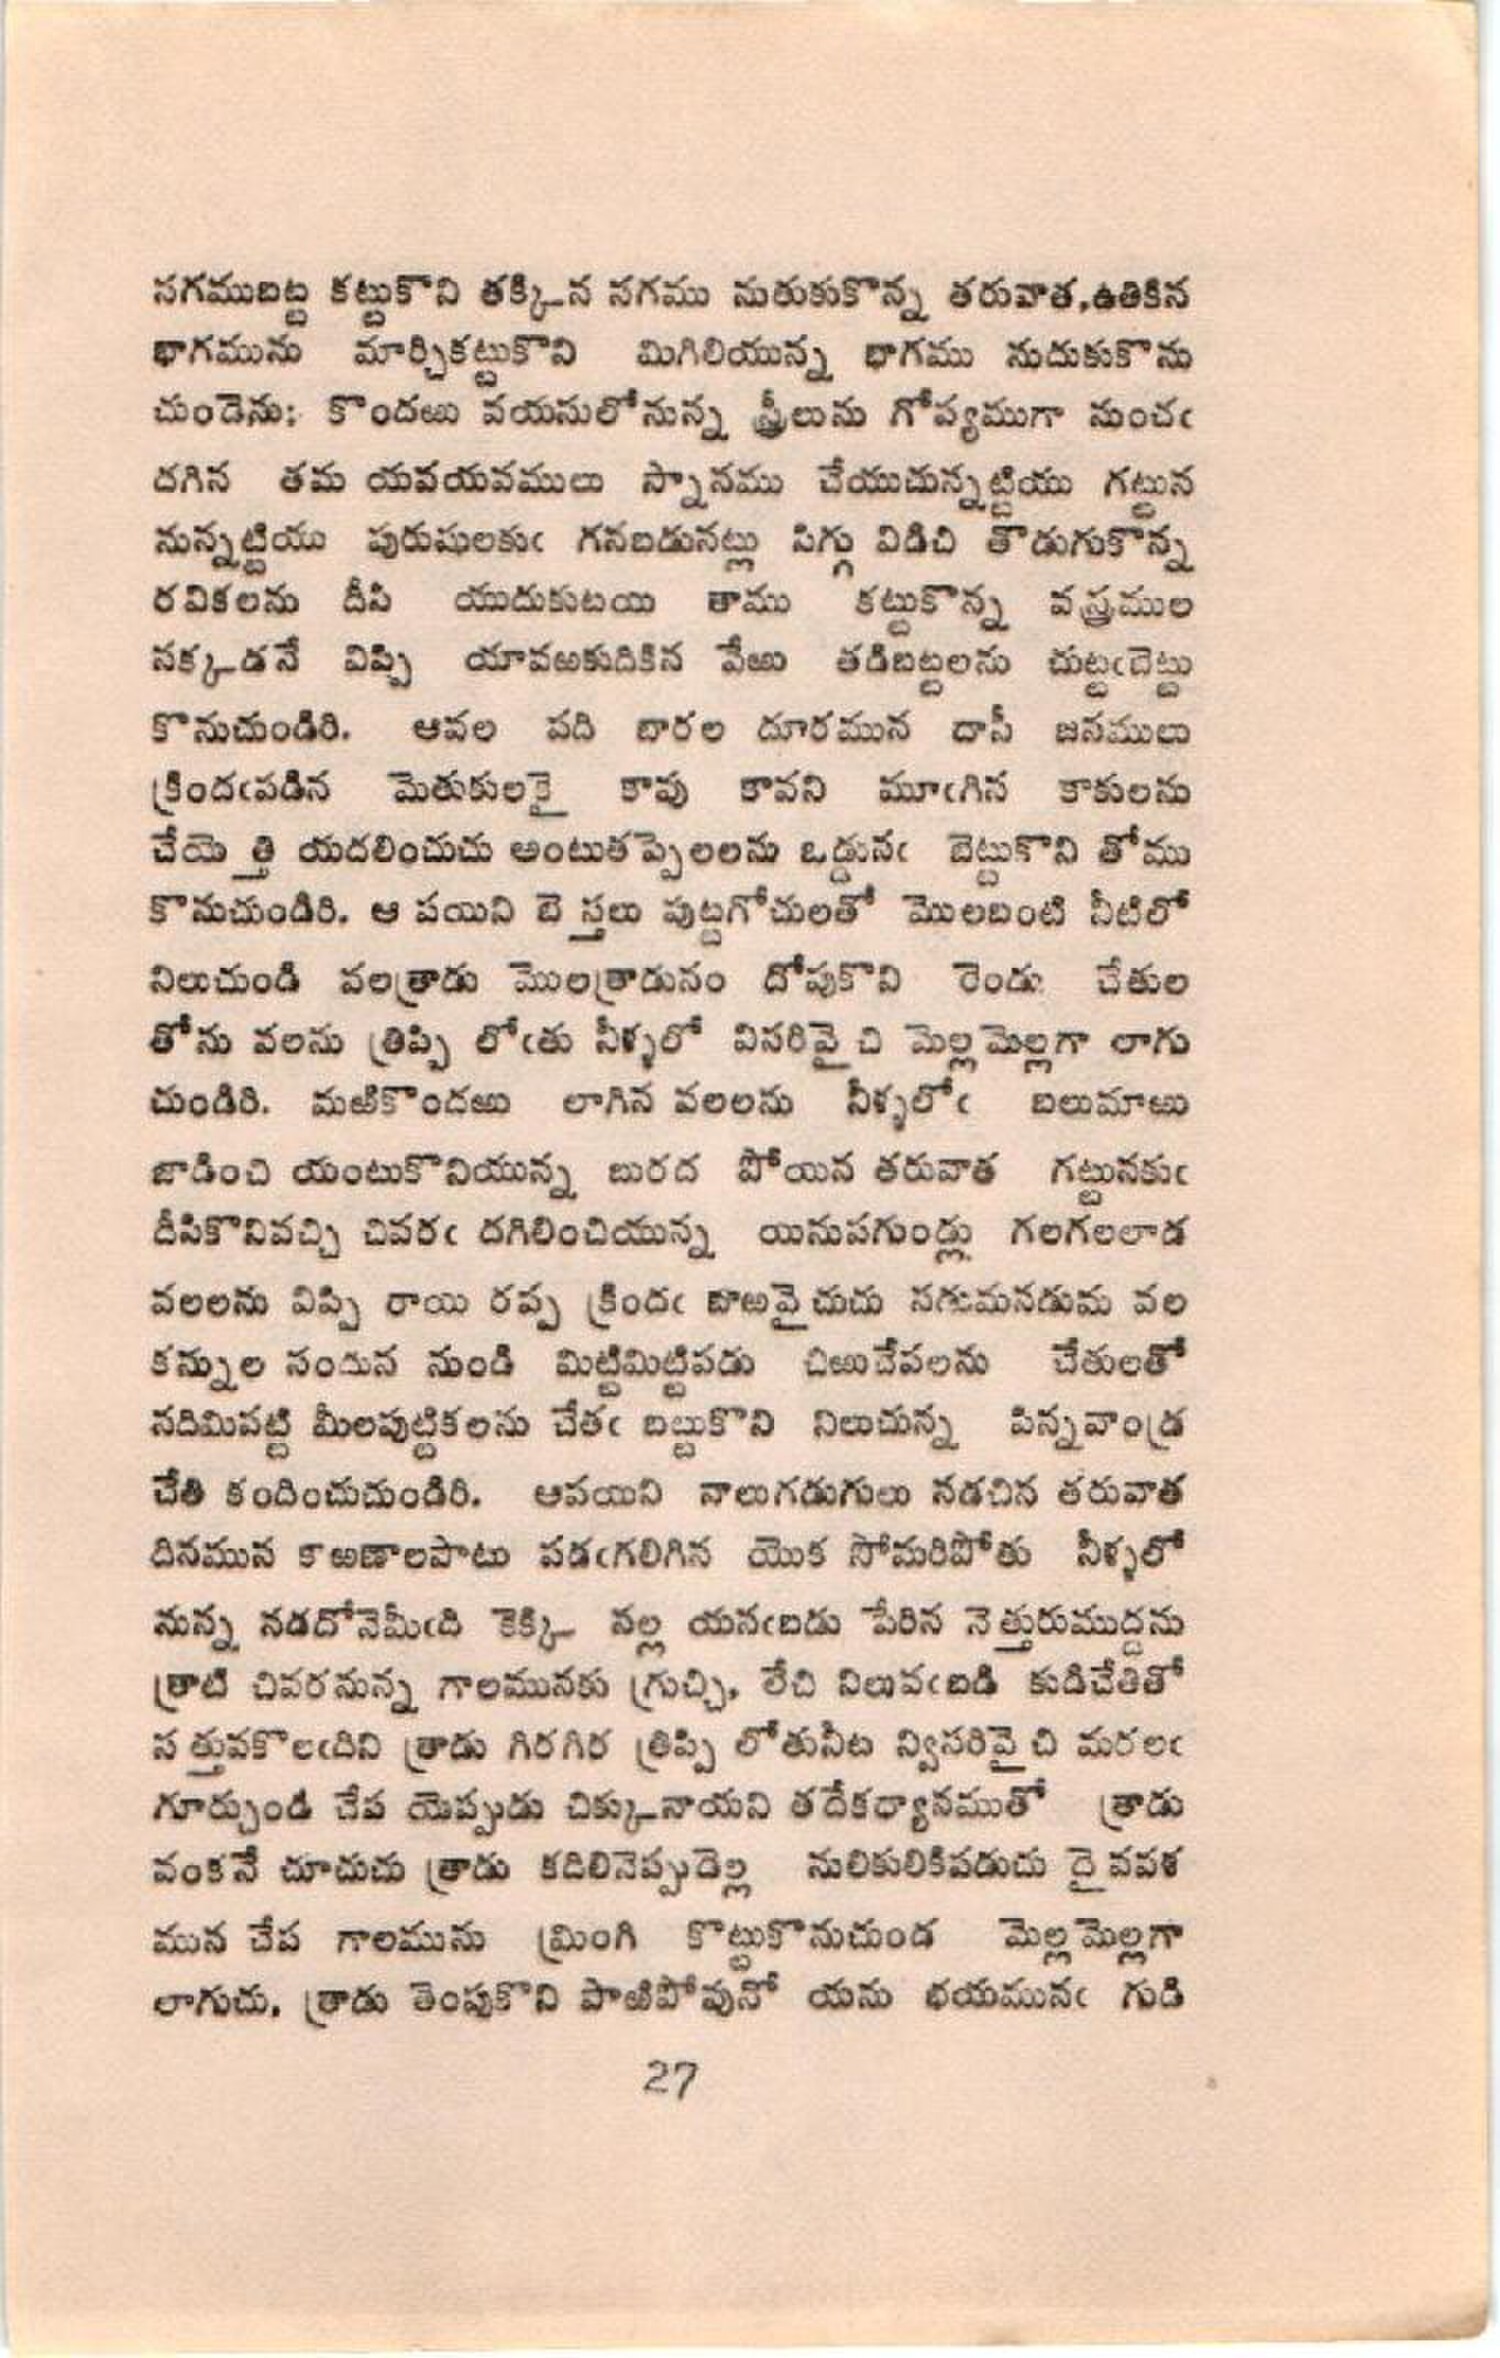సగముబట్ట కట్టుకొని తక్కిన సగము నుతుకుకొన్న తరువాత, ఉతికిన భాగమును మార్చికట్టుకొని మిగిలియున్న భాగము నుదుకుకొనుచుండెను; కొందఱు వయసులోనున్న స్త్రీలను గోప్యముగా నుంచఁ దగిన తమ యవయవములు స్నానము చేయుచున్నట్టియు గట్టున నున్నట్టియు పురుషులకుఁ గనబడునట్లు సిగ్గు విడిచి తొడుగుకొన్న రవికలను దీసి యుదుకుటయి తాము కట్టుకొన్న వస్త్రముల నక్కడనే విప్పి యావఱకుదికిన వేఱు తడిబట్టలను చుట్టబెట్టుకొనుచుండిరి. ఆవల పది బారల దూరమున దాసీ జనములు క్రిందఁపడిన మెతుకులకై కావు కావని మూఁగిన కాకులను చేయెత్తి యదలించుచు అంటుతప్పెలలను ఒడ్డునఁ బెట్టుకొని తోము కొనుచుండిరి. ఆ పయిని బెస్తలు పుట్టగోచులతో మొలబంటి నీటిలో నిలుచుండి వలత్రాడు మొలత్రాడునం దోపుకొని రెండు చేతుల తోను వలను త్రిప్పి లోతు నీళ్ళలో విసరిపైచి మెల్లమెల్లగా లాగు చుండిరి. మణికొందఱు లాగిన వలలను నీళ్ళలోఁ బలుమాలు జాడించి యంటుకొనియున్న బురద పోయిన తరువాత గట్టునకుఁ దీసికొనివచ్చి చివరఁ దగిలించియున్న యినుపగుండ్లు గలగలలాడ వలలను విప్పి రాయి రప్ప క్రిందఁ బాఱవైచుచు నగుమనడుమ వల కన్నుల సందున నుండి మిట్టిమిట్టిపడు చిఱుచేపలను చేతులతో నదిమిపట్టి మీలపుట్టికలను చేతఁ బట్టుకొని నిలుచున్న పిన్నవాండ్ర చేతి కందించుచుండిరి. ఆ పయిని నాలుగడుగులు నడిచిన తరువాత దినమున కాఱణాలపాటు పడఁగలిగిన యొక సోమరిపోతు నీళ్ళలో నున్న నడదోనెమీఁది కెక్కి నల్ల యనబడు పేరిన నెత్తురుముద్దను త్రాటి చివరనున్న గాలమునకు గ్రుచ్చి, లేచి నిలువఁ బడి కుడిచేతితో సత్తువకొలఁదిని త్రాడు గిరగిర త్రిప్పి లోతునీట న్విసరిపైచి మరల గూర్చుండి చేప యెప్పుడు చిక్కు నాయని తదేక ధ్యానముతో త్రాడు వంకనే చూచుచు త్రాడు కదిలినెప్పడెల్ల నులికులికి పడుచు దైవవశమున చేప గాలమును మ్రింగి కొట్టుకొనుచుండ మెల్లమెల్లగా లాగుచు, త్రాడు తెంపుకొని పాఱిపోవునో యను భయమునఁ గుడి